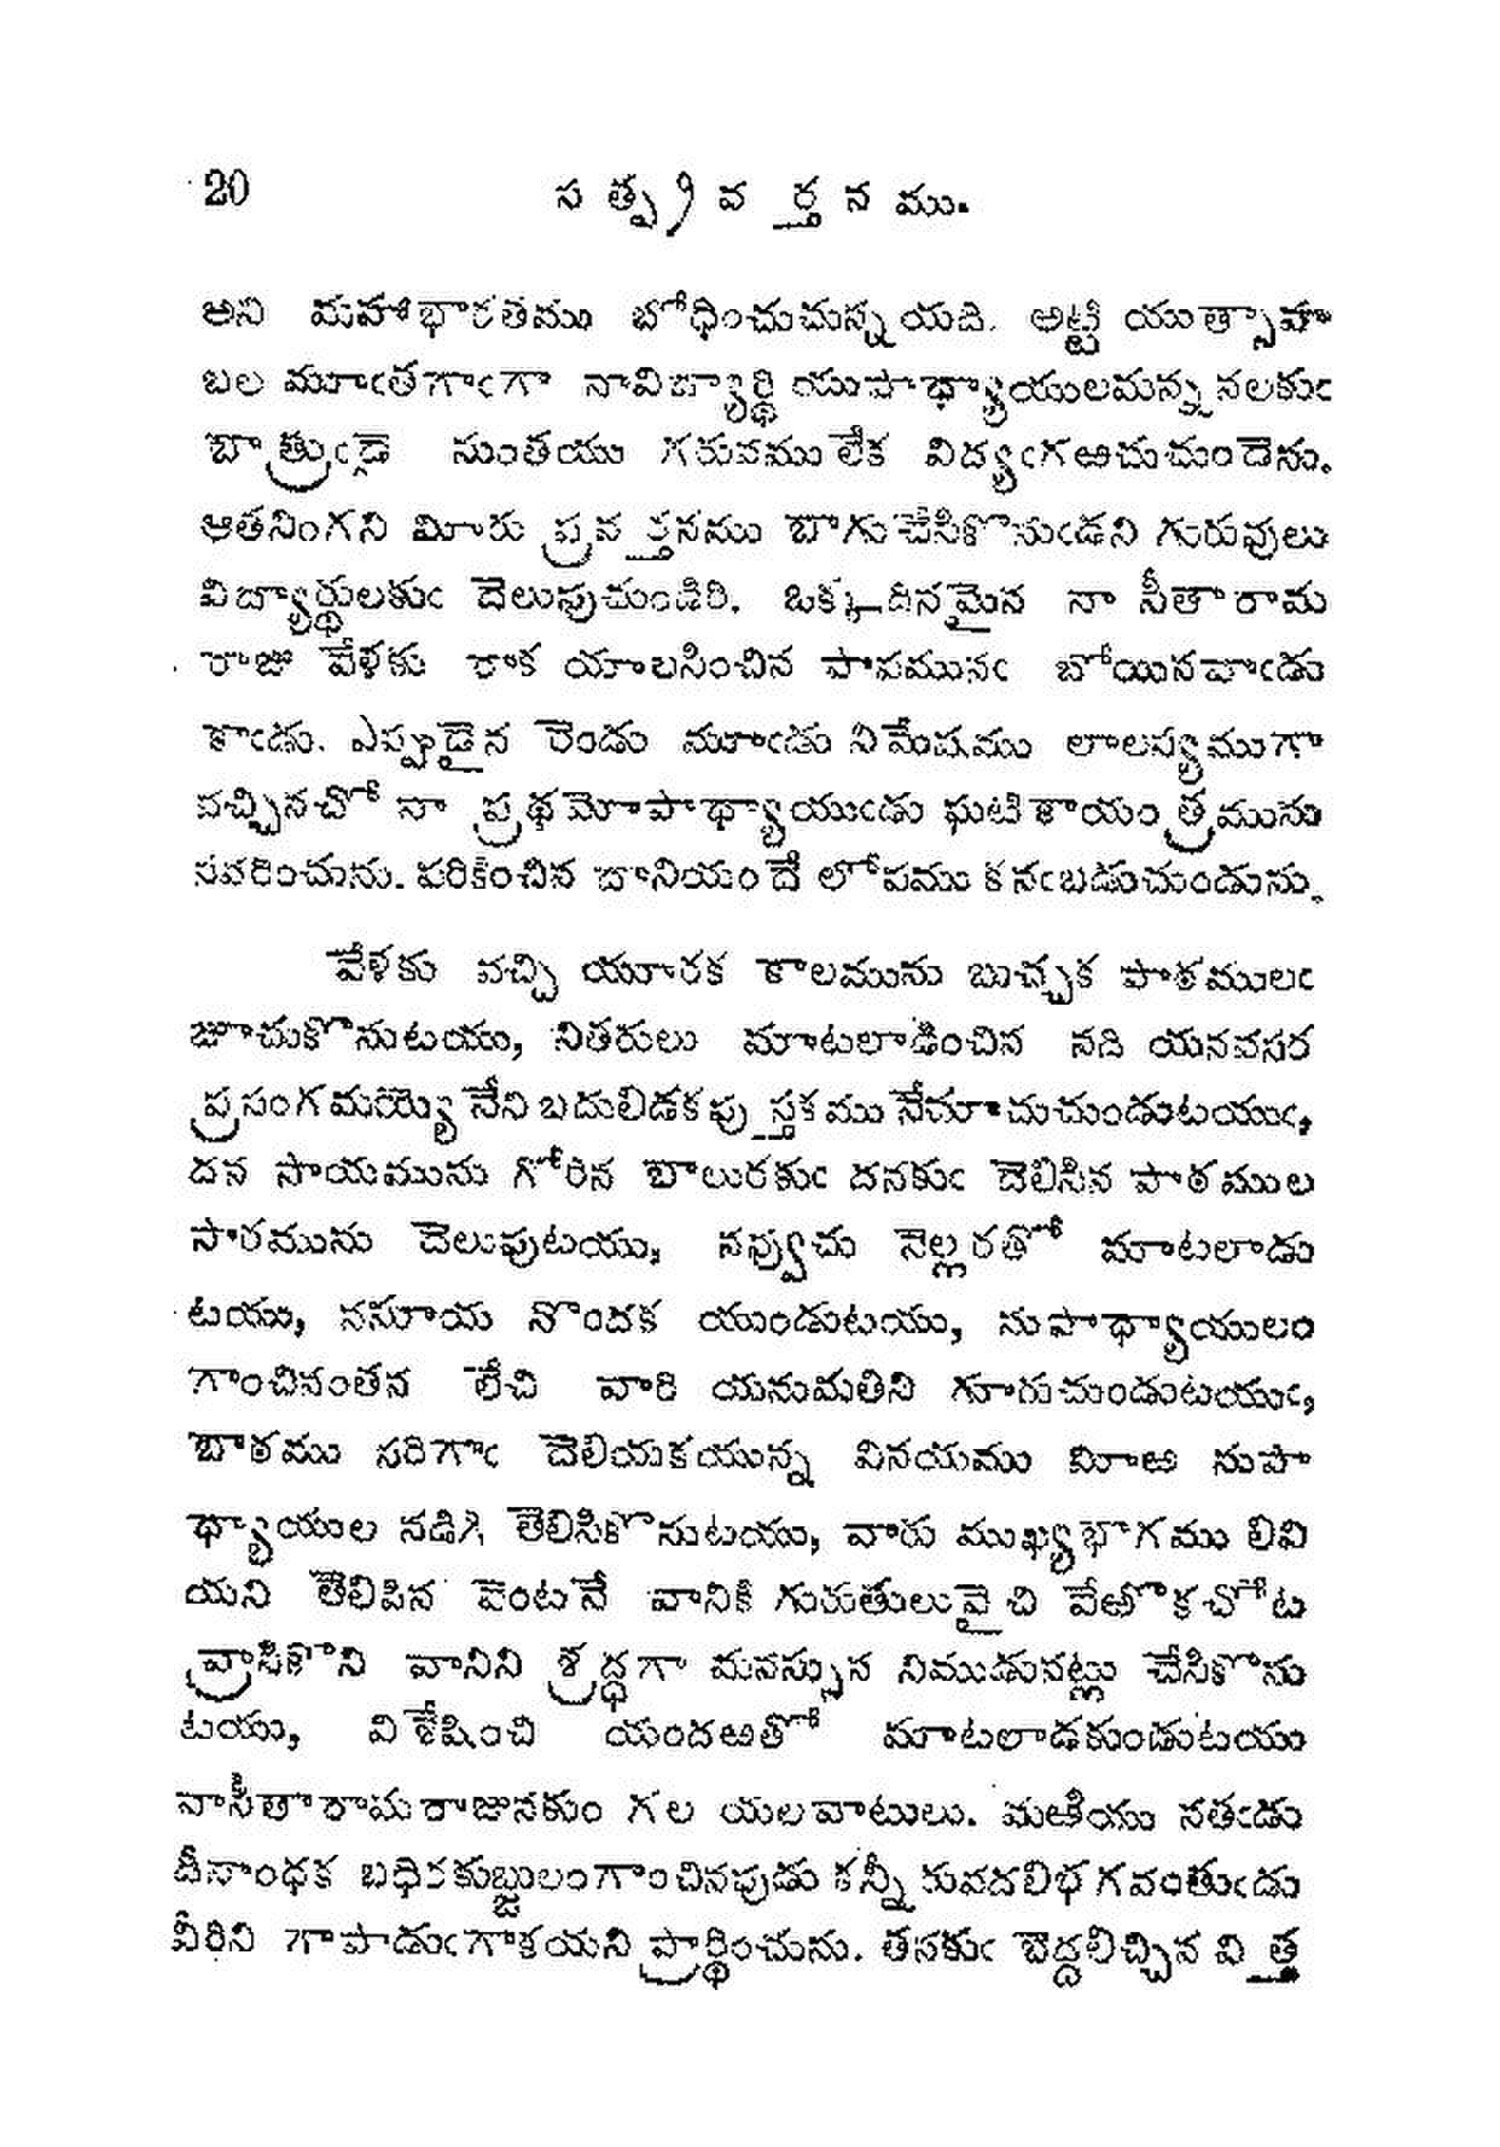అని మహా భారతము బోధించుచున్నయది. అట్టి యుత్సాహబల మూఁతగాఁగా నావి ధ్యార్తియు యుపాధ్యాయులమన్ననలకు 'బాత్రుండై సుంతయు గౌవము లేక విద్యఁగఱచుచుండెను. ఆతనింగని మీరు ప్రవర్తనము బాగు చేసికొనుఁడని గురువులు విద్యార్థులకుఁ దెలుపుచుండిరి. ఒక్క దినమైన నా సీతారామరాజు వేళకు రాక యాలసించిన పాపమునఁ బోయినవాఁడువాడు. ఎప్పుడైన రెండు మూడు నిమేషము లాలస్యముగా నచ్చినచో నా ప్రథమోపాధ్యాయుఁడు ఘటి కాయంత్రమును సవరించును. పరికించిన దానియం దే లోపము కనఁబడుచుండును,

వేళకు వచ్చి యూరక కాలమును బుచ్చక పాఠములం జూచుకొనుటయు, నితరులు మాటలాడించిన నది యనవసర ప్రసంగమయ్యె నేని బదులిడక పుస్తకము నే చూచుచుండుటయుఁ, దన సాయమును గోరిన 'బాలురకుఁ దనకుఁ దెలిసిన 'పాఠముల సారమును దెలుపుటయు, నవ్వుచు నెల్లరతో మాటలాడుటయు, నసూయ నొందక యుండుటయు, సుసాధ్యాయులం గాంచినంతన లేచి 'వారి యనుమతిని గూరుచుండుటయుఁ, 'చారము సరిగాఁ దెలియకయున్న వినయము మీఱ నుపా ధ్యాయుల నడిగి, తెలిసికొనుటయు, వారు ముఖ్య భాగము లివి యని తెలిపిన వెంటనే వానికి గురుతులువైచి వేతొక చోట వ్రాసిని వానిని శ్రద్దగా మనస్సుస నిముడునట్లు చేసికొనుటయు, విశ్లేషించి యందఱితో మాటలాడకుండుటయు నాసీతారామరాజునకుం గల యల వాటులు. మఱియు నతఁడు దీనాంధక బధిరకుబ్జుంలుగాంచినపుడు కన్నీ కువదలిభగవంతుఁడు వీరిని గా పాడుఁగాకయని ప్రార్థించును. తసకుఁ బెద్దలిచ్చిన విత్త